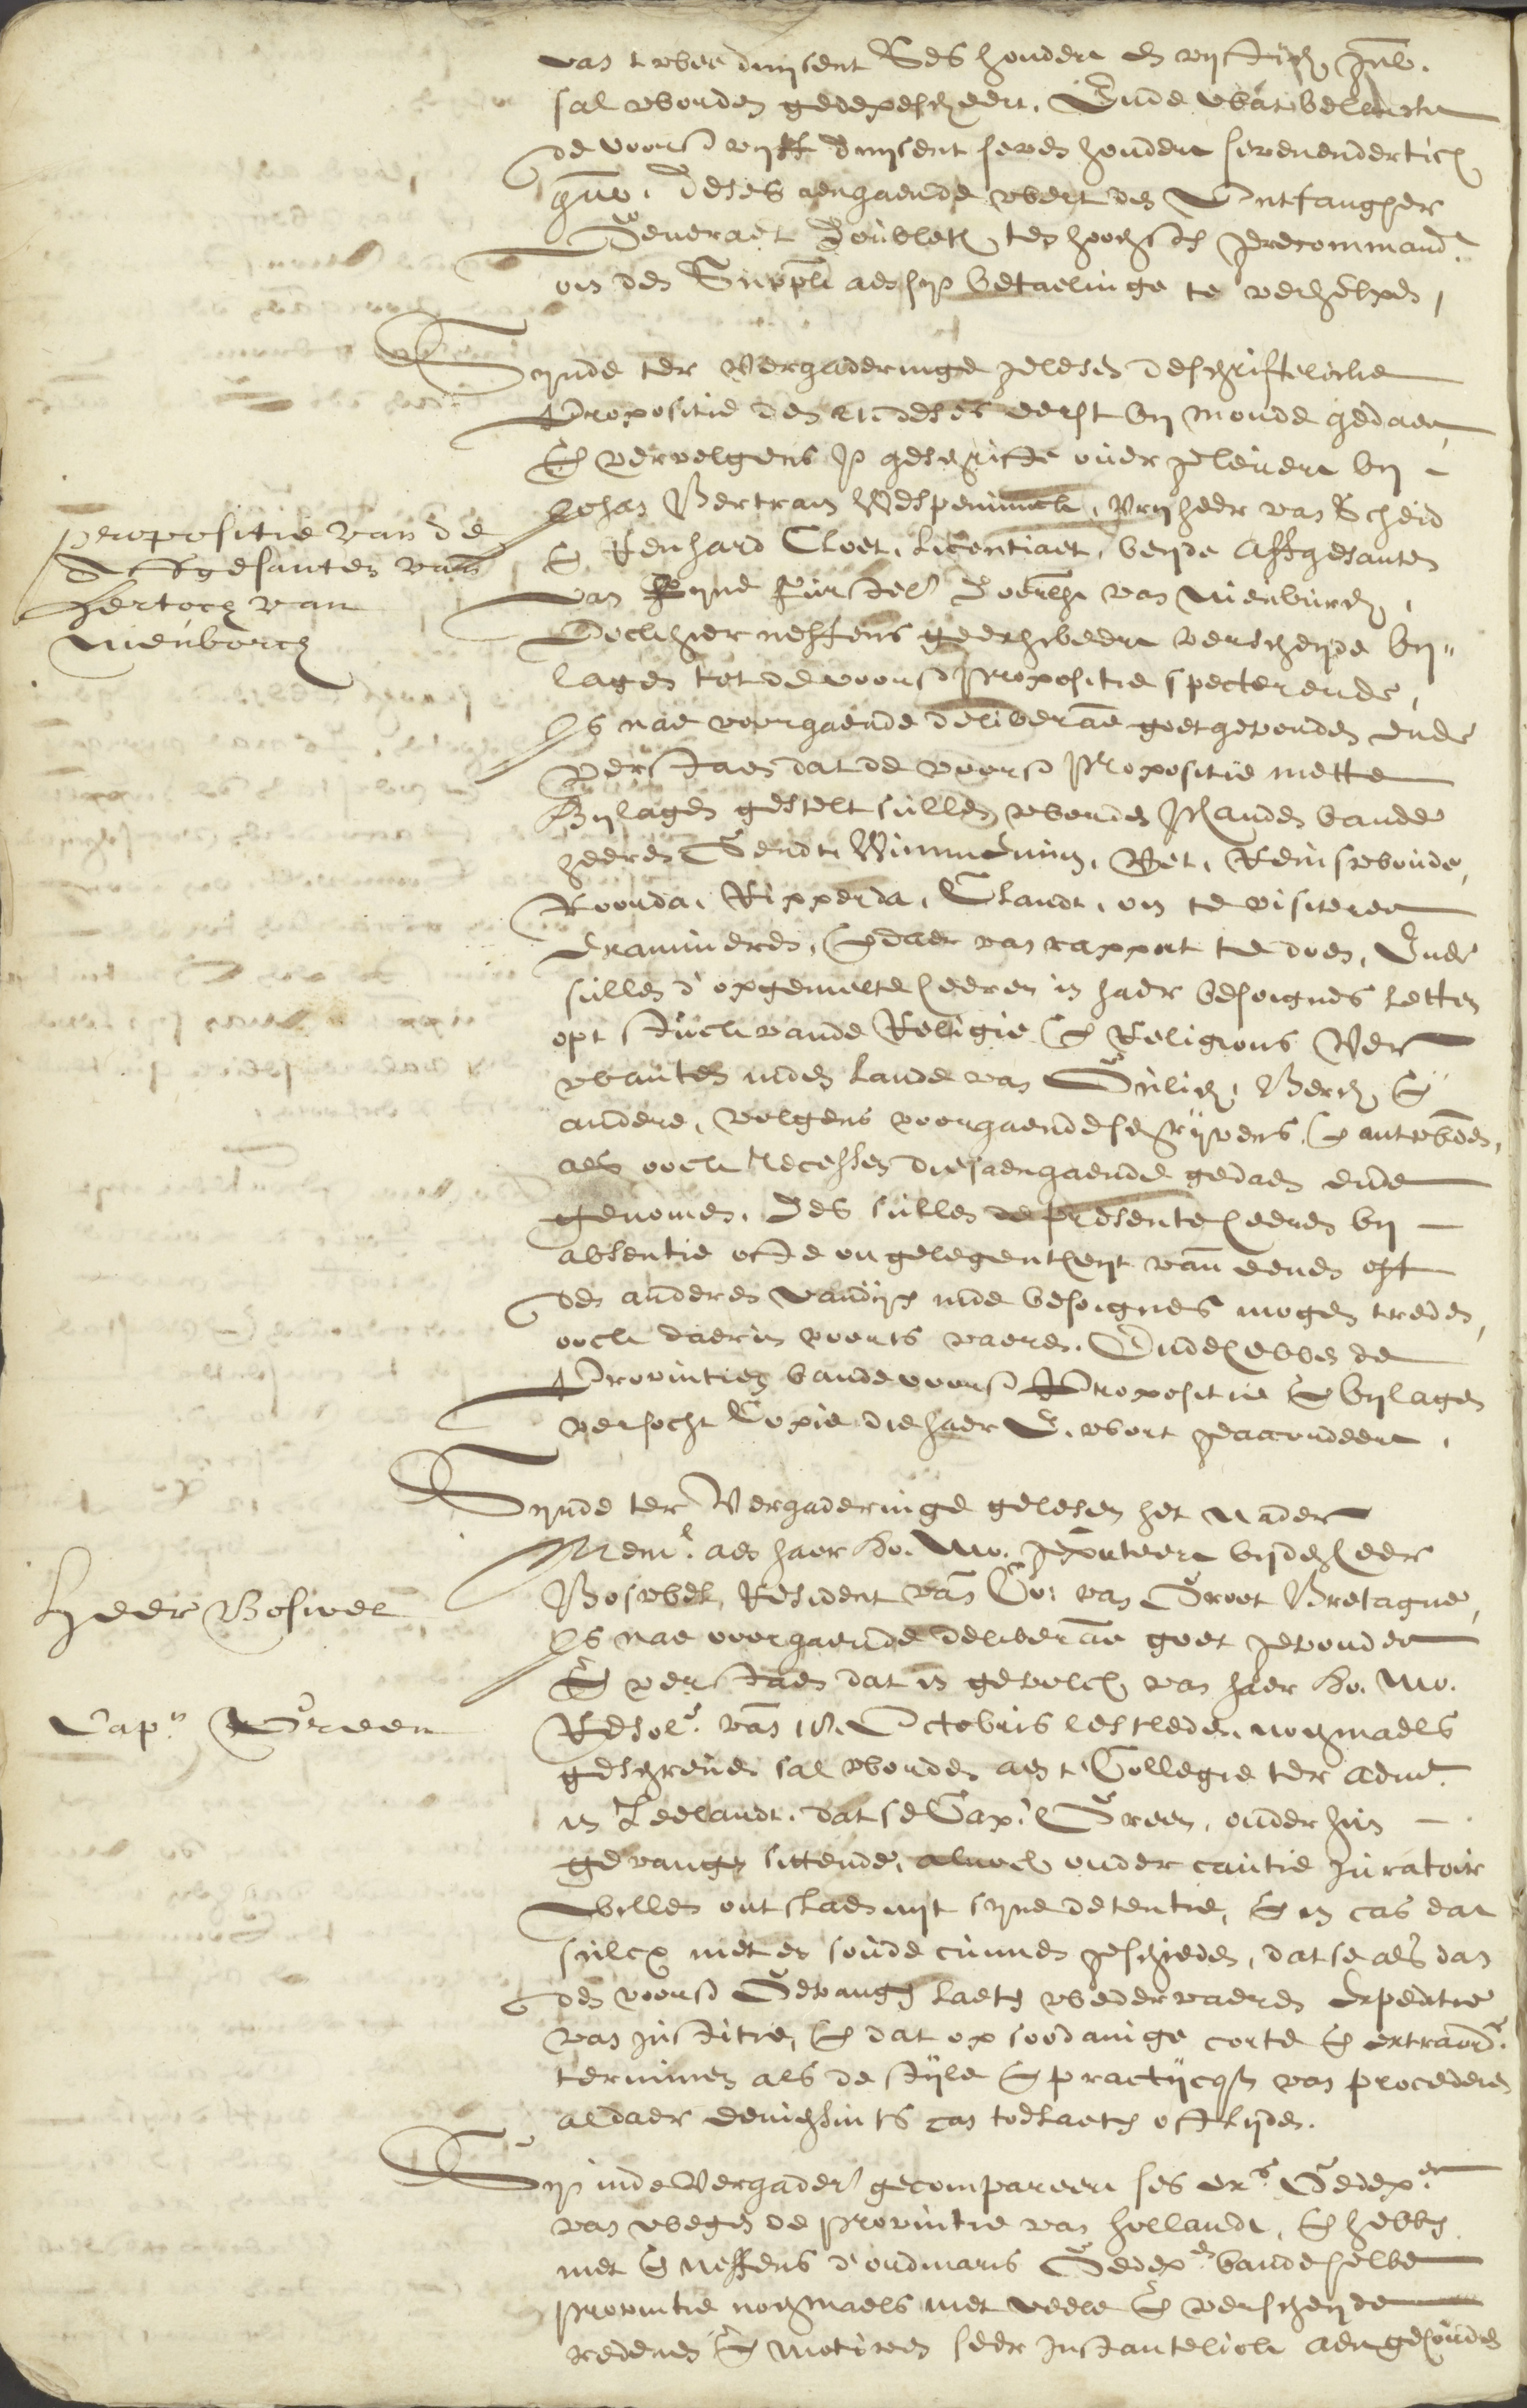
van twee duysent Ses hondert en vyftich gul.
sal worden gedepescheert. Ende wat belancte
de voors vyff duysent seven hondert sevenendertich
gul. deses aengaende wert den Ontfangher
Generael Doubleth ten hoochsten gerecommandt.
om den Supplt aen syn betaelinge te verhelpen.
propositie van de
Affgesanten van
Hertoch van
Nieuborch
Synde ter Vergaderinge gelesen de schriftelicke
Propositie den 21. deses eerst by monde gedaen
& vervolgens op geschrifte ouergelevert by
Johan Bertram Wespenninck, Vrijheer van Scheid
& Renhard Cloet, Licentiaet, beyde Affgesanten
van Syne Furstel Doorlht van Nieuburch
Oock hier neffens geexhibeert verscheijde by„
lagen tot de voors propositie specterende.
Is nae voorgaende deliberae goetgevonden ende
verstaen dat de voors Propositie mette
Bylagen gestelt sullen werden In handen vande
heeren Gendt, Wimmenum, Vet, Reinswoude
Roorda, Ripperda, Clandt, om te visiteren
Examineren, & daer van rapport te doen. Ende
sullen d'opgemelte heeren in haer besoignes letten
opt stuck vande Religie & Religions Ver„
wanten inden Lande van Gulich, Berch &
andere, volgens voorgaende schrijvens, & antwden.
als oock recessen diesaengaende gedaen ende
genomen. Des sullen de presente heeren by
absentie ofte ongelegentheyt van eenen off
den anderen vandijen inde besoignes mogen treden,
oock daerin voorts vaeren. Ende hebben de
Provintien vande voors Propositie & bylagen
versocht Copie, die haer E. wort geaccordeert.
Heer Boswel
Capn. Green
Synde ter Vergaderinge gelesen het nader
Meml. aen haer Ho.Mo. geputeert by den heer
Boswel, Resident van Co: van Groot Bretagne,
Is nae voorgaende deliberae goet gevonden
& verstaen dat in gevolch van haer Ho:Mo:
Resole. van 18. Octobris lestleden nochmaels
geschreuen sal worden aen t'Collegie ter Admt.
in Zeelandt, datse Capn. Green, onder hun
gevangen sittende, alnoch onder cautie Juratoir
willen ontslaen uyt syne detentie, & in cas dat
sulcx niet en soude cunnen geschieden, datse als dan
den voors Gevangen laeten wedervaeren Expeditie
van justitie & dat op soodanige corte & extraords.
terminen als de stijle & practijcqe van procederen
aldaer eenichsints can toelaeten off lyden
Syn inde Vergader gecompareert ses exs. Gedepen.
van wegen de provintie van hollandt, & hebben
met & neffens d'ordinaris Gedepen. van deselve
provintie nochmaels met veele & verscheyde
redenen & motiven seer instantelick aengehouden
